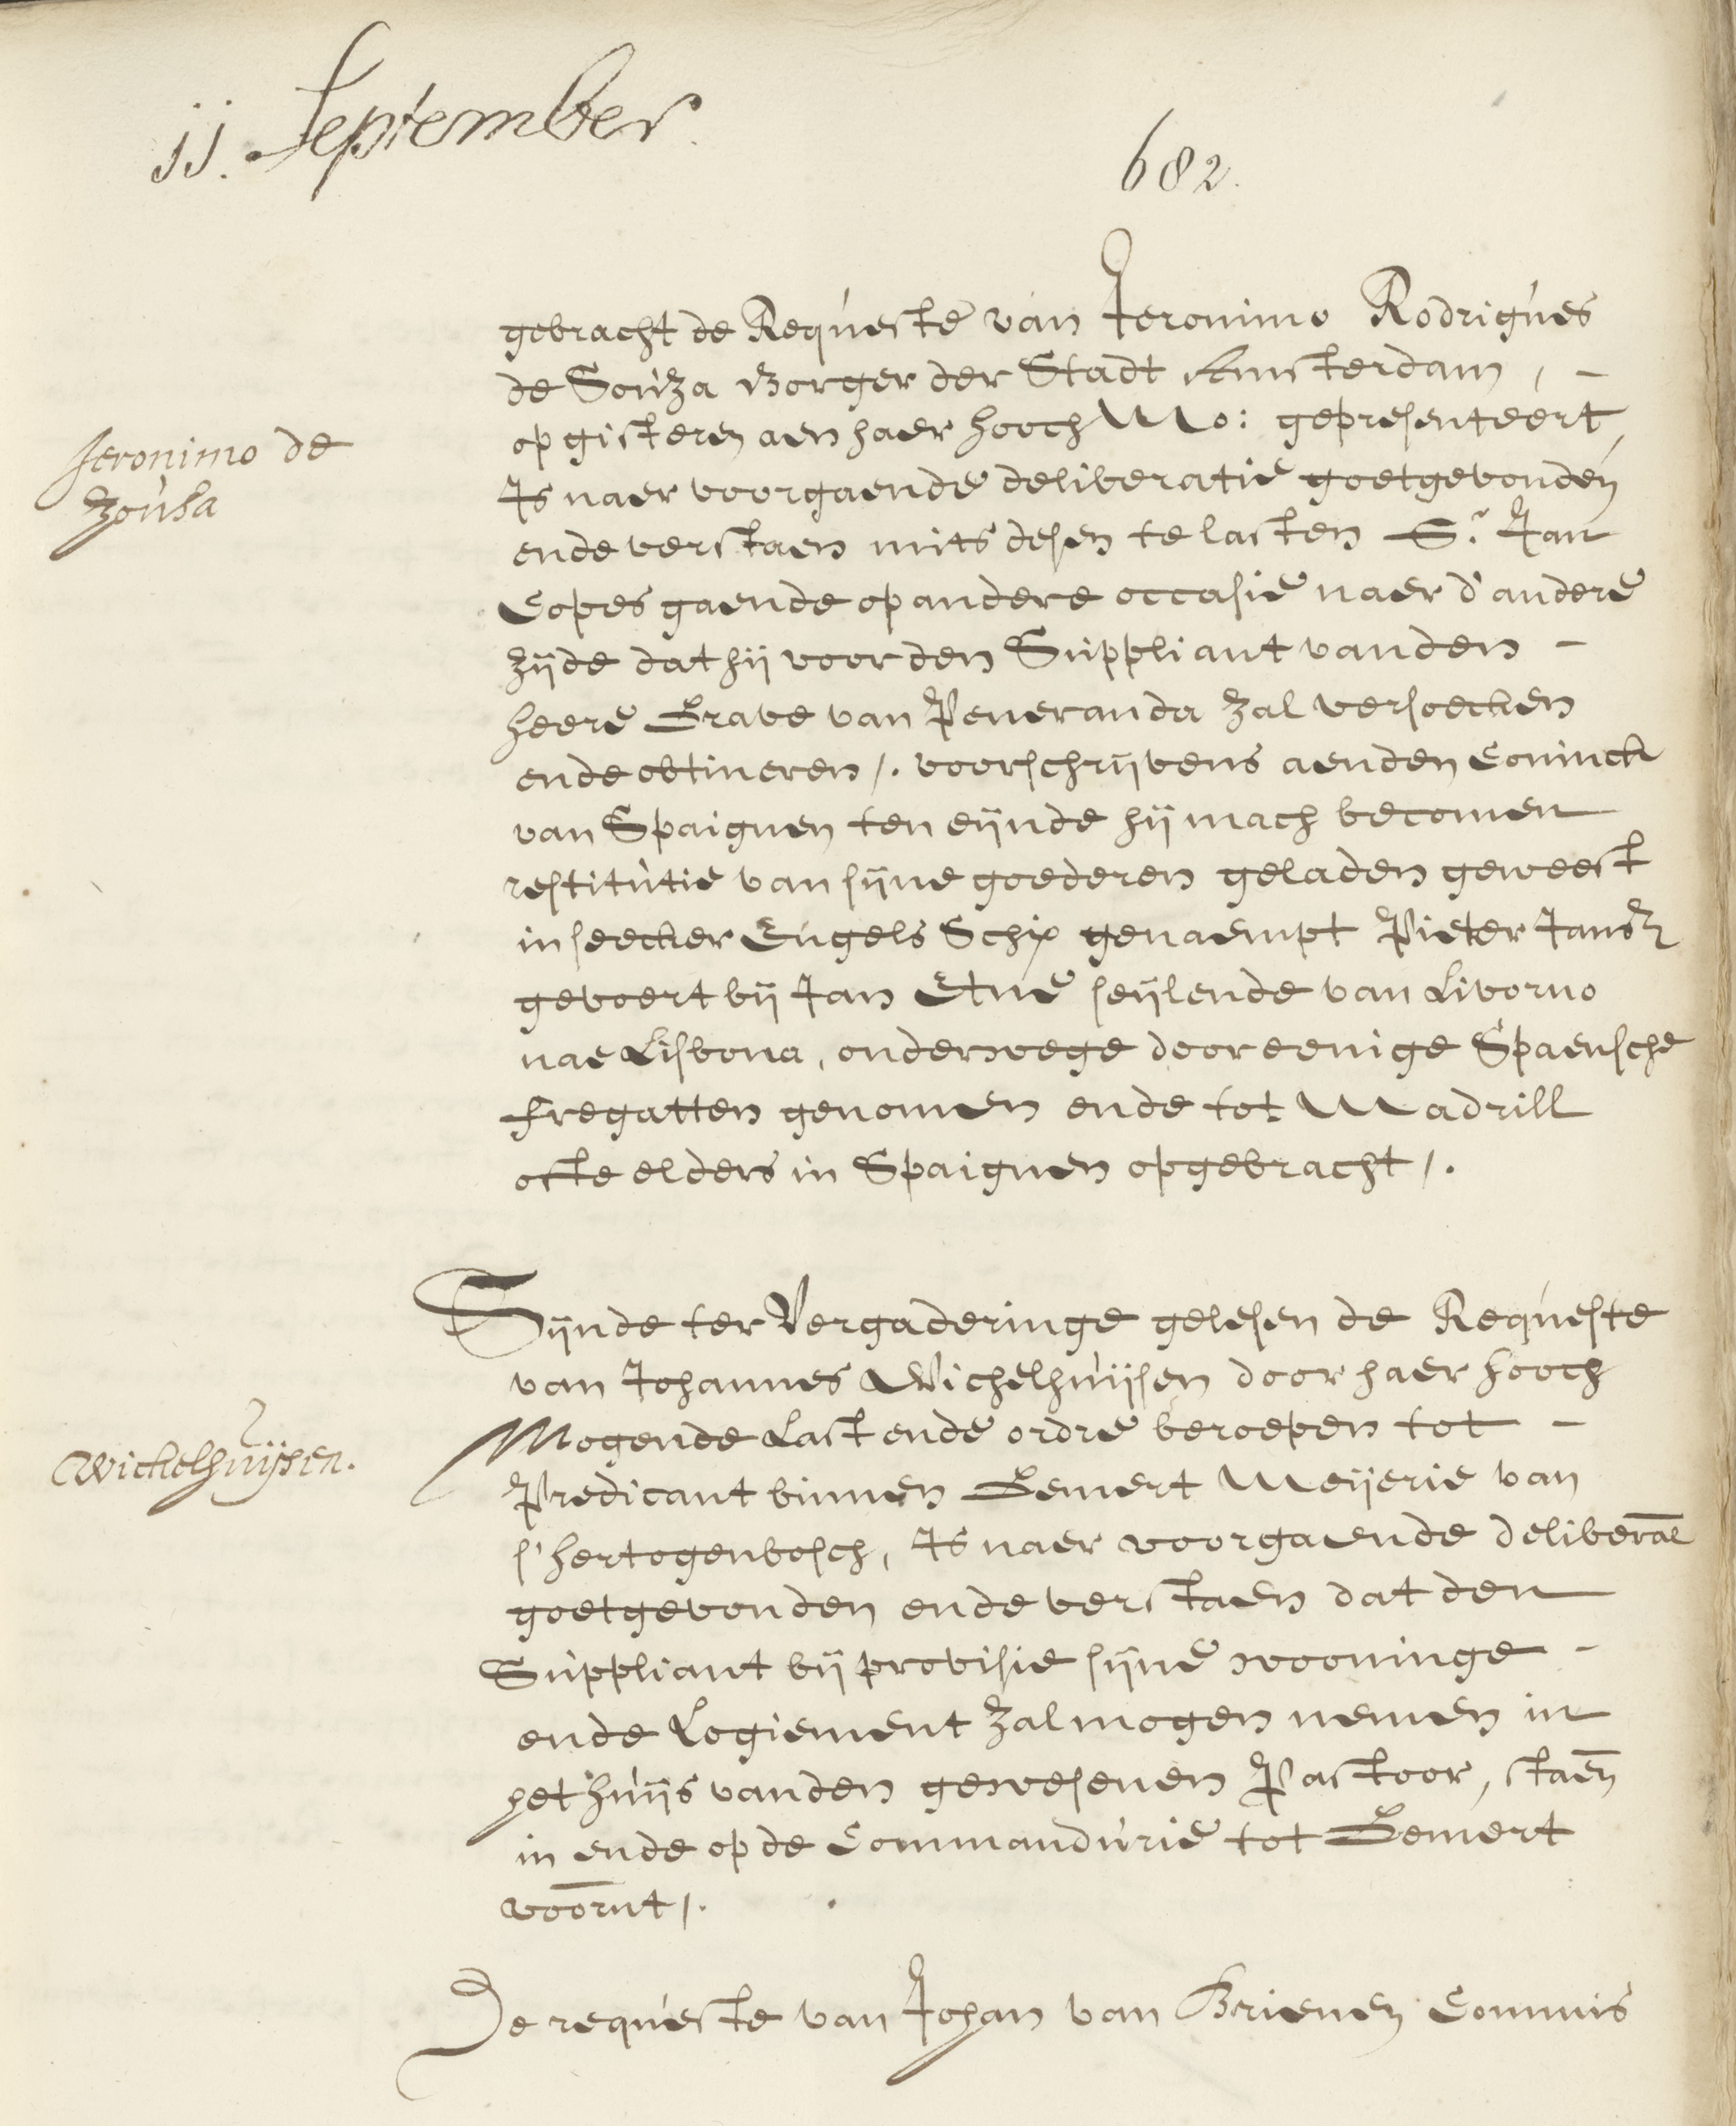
682.
11. September
Jeronimo de
Zousa
gebracht de Requeste van Jeronimo Rodrigues
de Souza Borger der Stadt Amsterdam, -
op gisteren aen haer hooch Mo: gepresenteert,
Is naer voorgaende deliberatie goetgevonden
ende verstaen mits desen te lasten Sr. Jan
Copes gaende op andere occasie naer d‛andere
zijde dat hij voor den Suppliant vanden
heere Grave van Peneranda zal versoecken
ende obtineren, voorschrijvens aen den Coninck
van Spaignen ten eijnde hij mach becomen
restitutie van sijne goederen geladen geweest
in seecker Engels Schip genaempt Pieter Jansz
gevoert bij Jan Etne seijlende van Livorno
nae Lisbona, onderwege door eenige Spaensche
fregatten genomen ende tot Madrill
ofte elders in Spaignen opgebracht.
Wichelhuijsen
Sijnde ter Vergaderinge gelesen de Requeste
van Johannes Wichelhuijsen door haer hooch
Mogende Last ende ordre beroepen tot
Predicant binnen Gemert Meijerie van
s‛hertogenbosch, Is naer voorgaende deliberae
goetgevonden ende verstaen dat den
Suppliant bij provisie sijne wooninge
ende Logiement zal mogen nemen in
het huijs vanden gewesenen Pastoor, staen
in ende op de Commandurie tot Gemert
voornt.
De requeste van Johan van Brienen Commies
